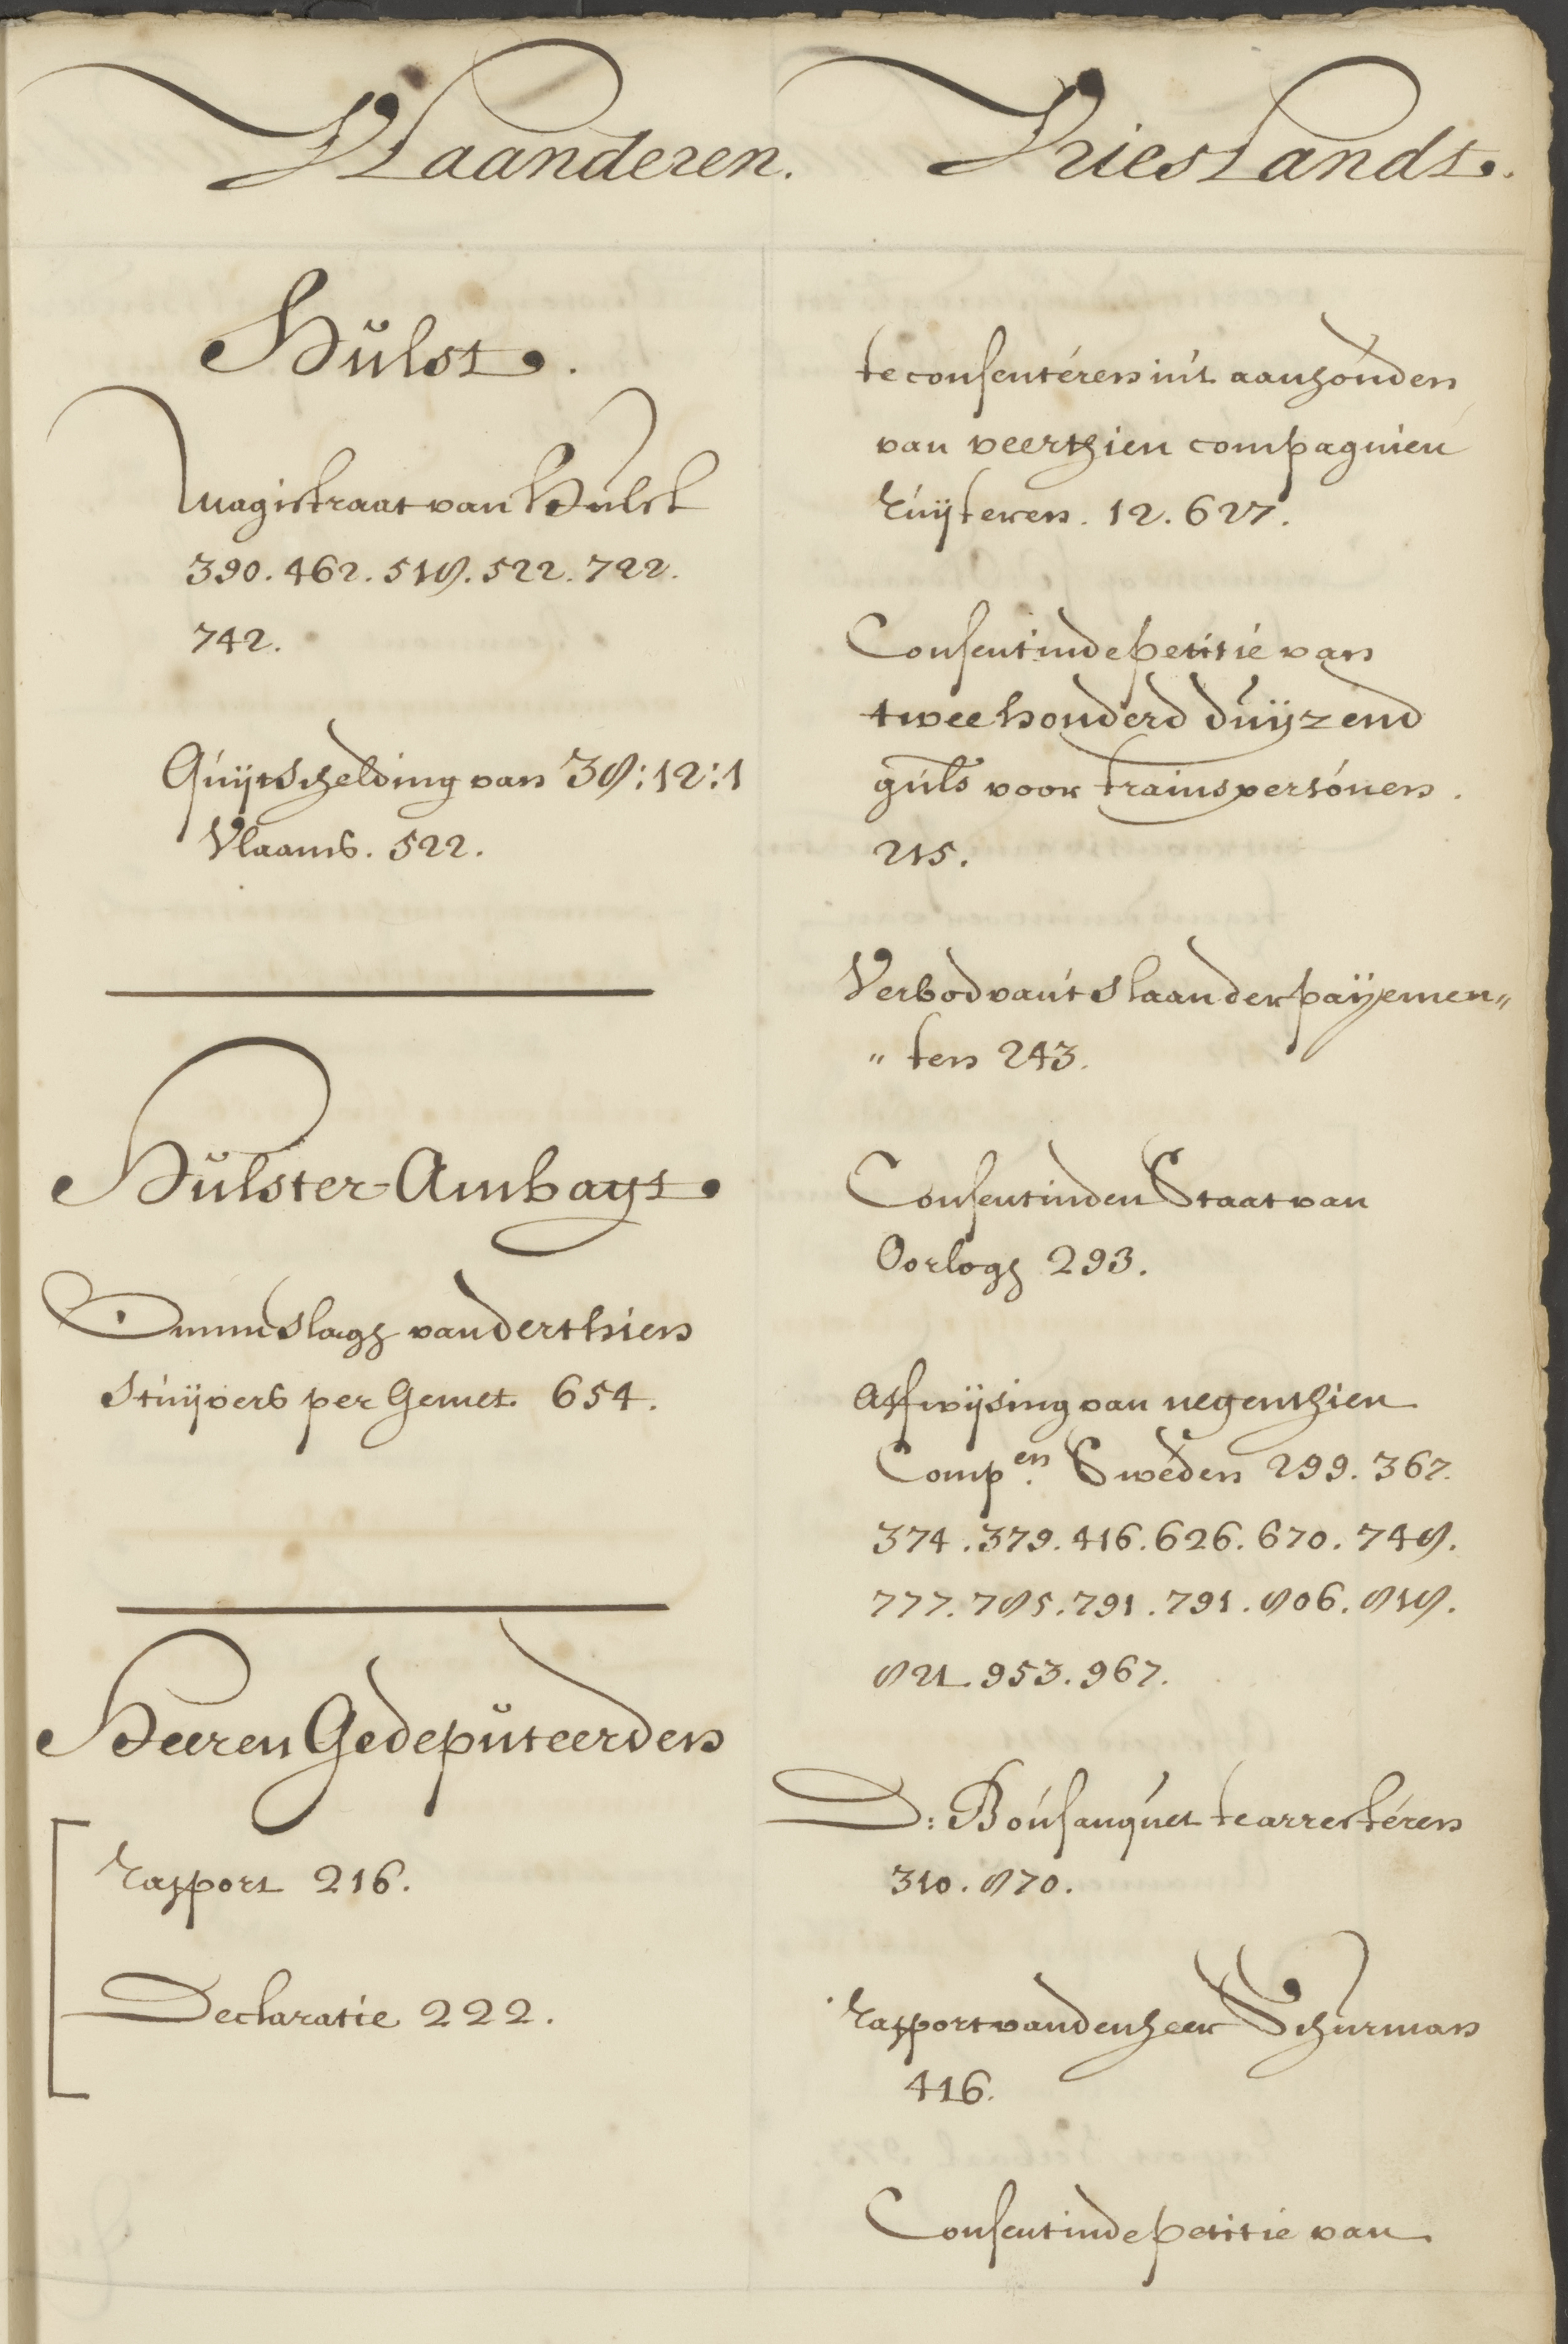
Vlaanderen.
Hulst.
Magistraat van Hulst
390, 462, 518, 522, 722,
742.
Quijtschelding van 38: 12: 1
Vlaams 522.
Hulster Ambagt
Ommeslagh van derthien
stuijvers per gemet, 654.
Heeren Gedeputeerden
rapport 216.
Declaratie 222.
Vrieslandt
te consenteren in't aanhouden
van veerthien compagnien
ruijteren, 12, 627.
Consent inde petitie van
tweehonderd duijzend
guls voor trainspersonen
215.
Verbod van't slaan der paijemen„
,,ten 243.
Consent inden Staat van
Oorlogh 293.
affwijsing van negenthien
Compen. Sweden 299, 367,
374, 379, 416, 626, 670, 748,
777, 785, 791,731, 806, 818,
821, 953, 967.
D: Bousanquet te arresteren
310, 870.
rapport vanden heer Schurman
416.
Consent inde petitie van
